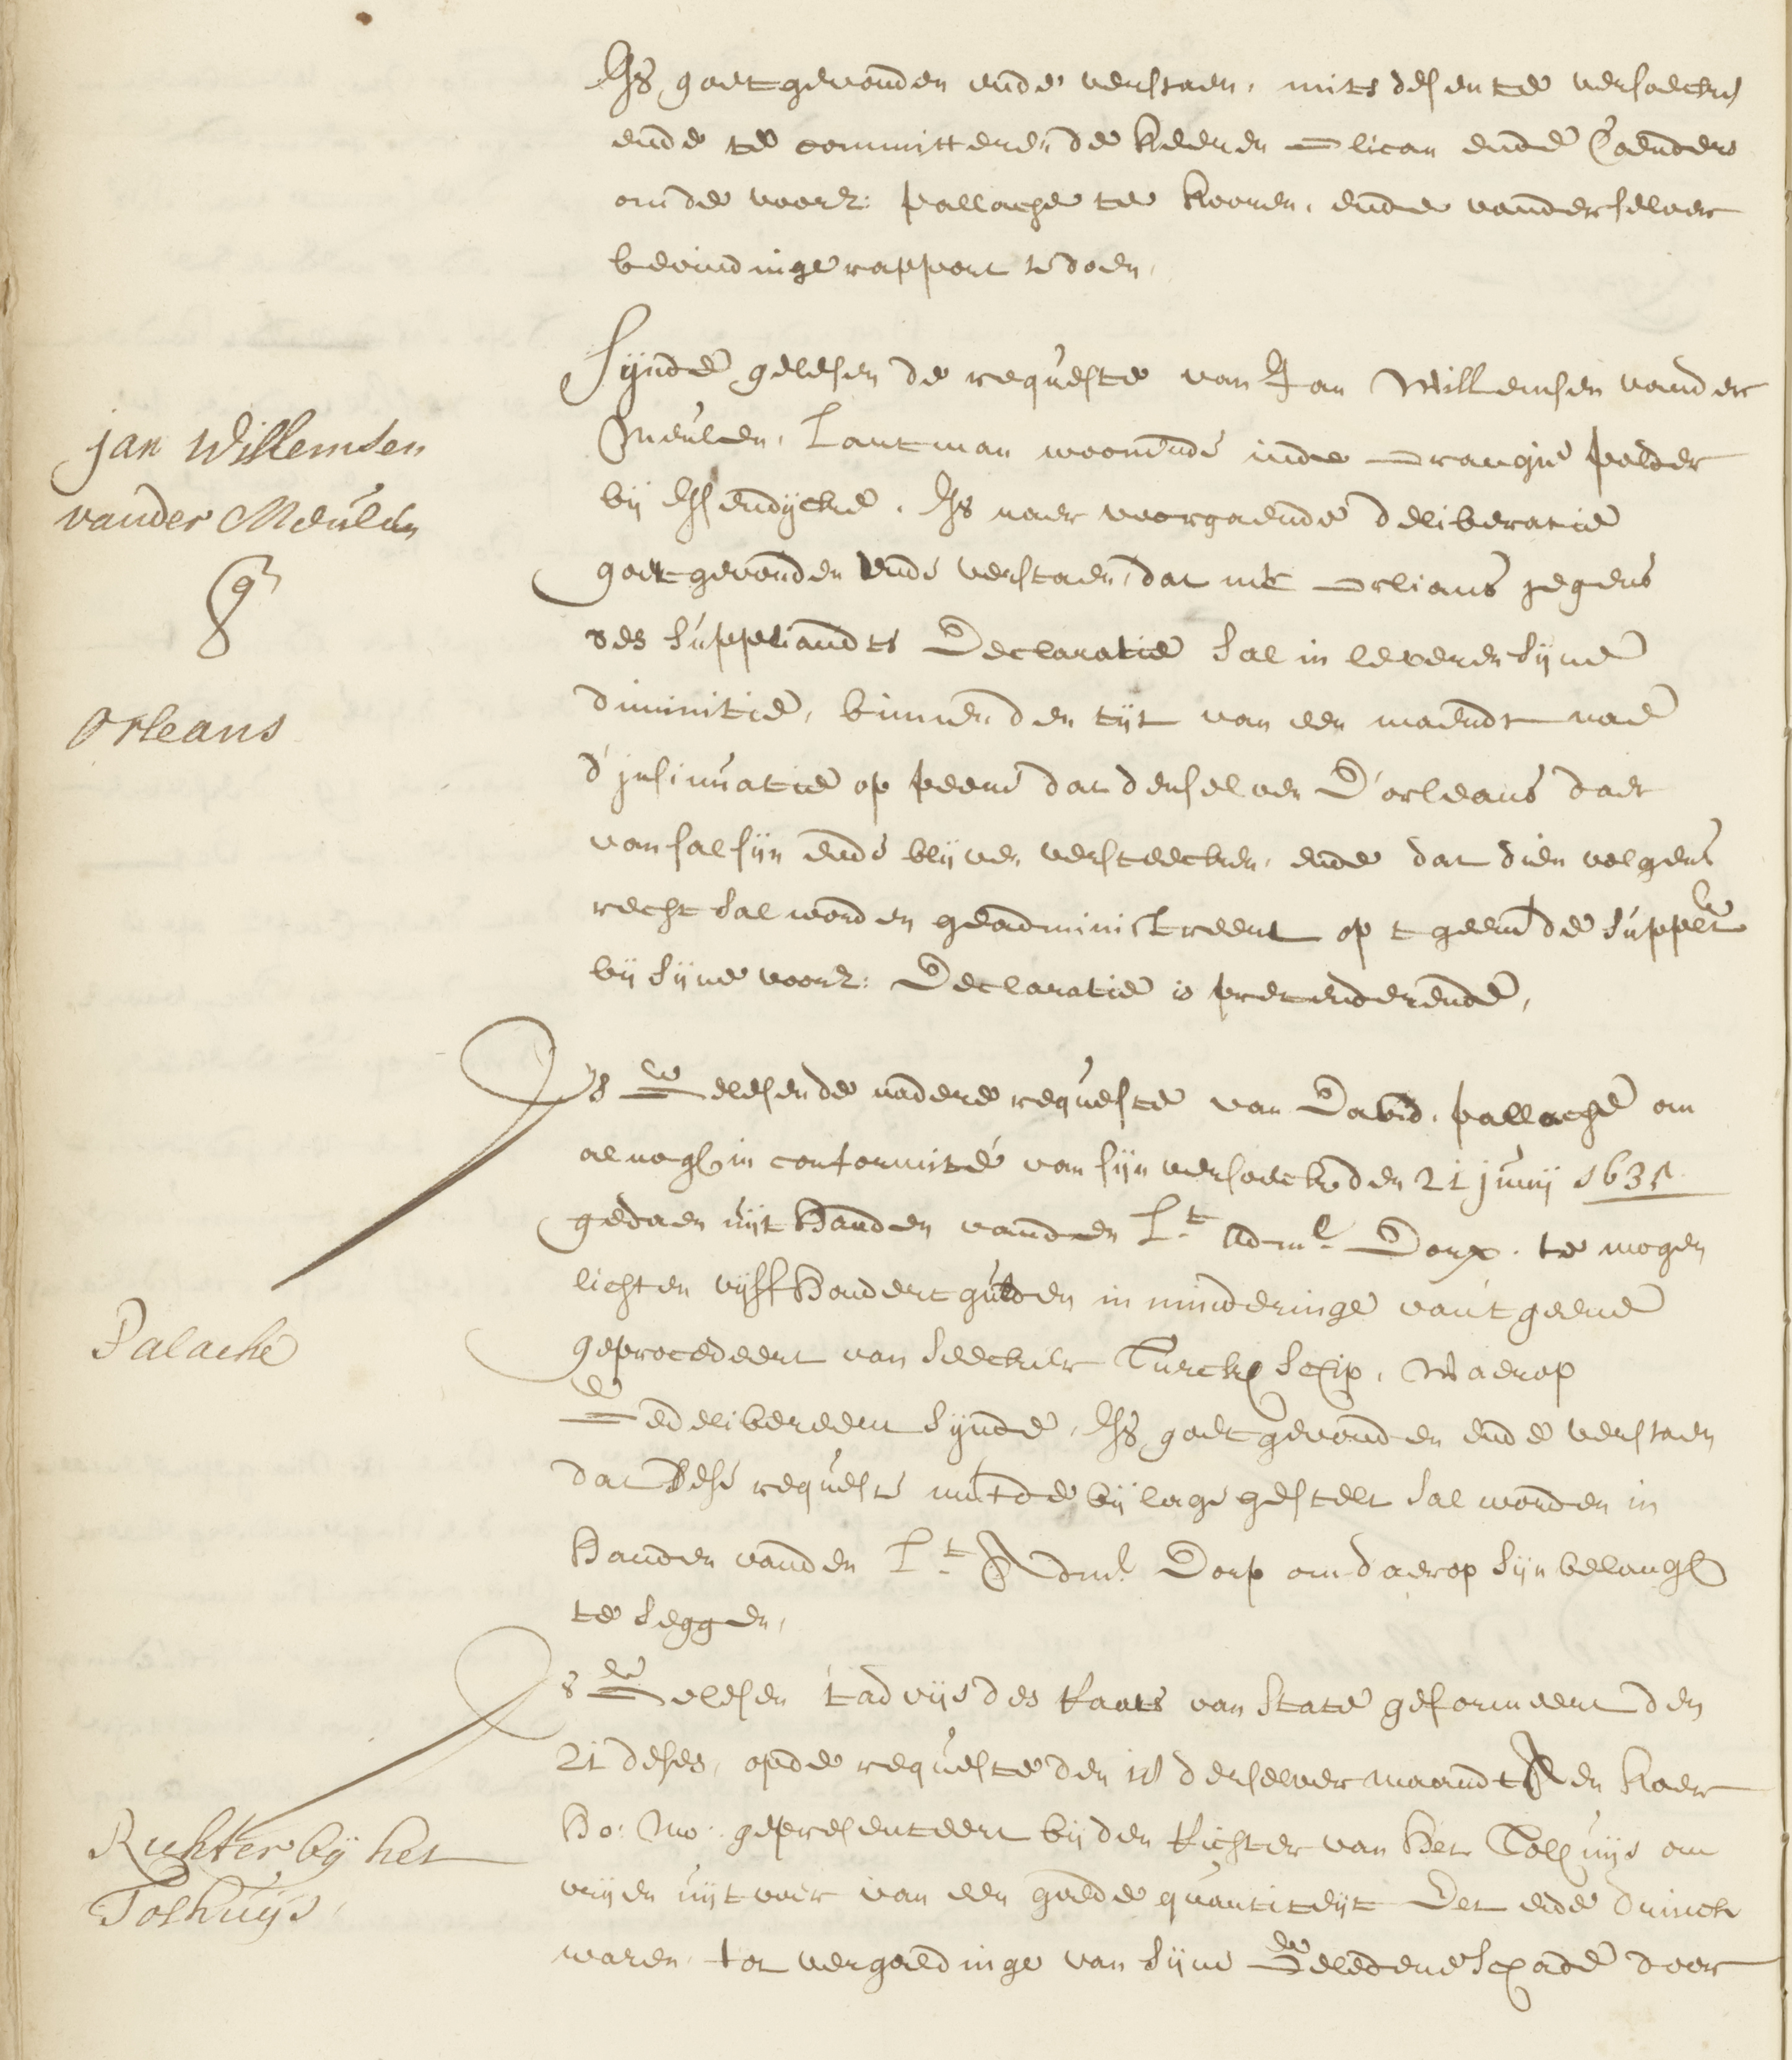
Is goetgevonden ende verstaen, mits desen te versoecken
ende te committeren de heeren Olican ende Coenders
om de voorz: Pallache te hooren ende van derselver
bevindinge rapport te doen.
Jan Willemsen
vander Meulen
Ca
Orleans
Sijnde gelesen de requeste van Jan Willemsen vander
Meulen, lantman woonende inde Orangie polder
bij Isendijcke. Is naer voorgaende deliberatie
goetgevonden ende verstaen, dat mr. Orlians jegens
des suppliandts declaratie sal in leveren sijne
dimunitie, binnen den tijt van een maendt nae
d'insinuatie op peene dat denselven D'orleans daer
van sal sijn ende blijven versteecken, ende dat dien volgens
recht sal worden geadministreert op 't geen de supplt
bij sijne voorz: Declaratie is pretenderende.
Palache
Is Gelesen de nadere requeste van David Pallache om
alnogh in conformité van sijn versoeck den 21 junij 1635
gedaen uijt handen vanden Lt. Adml. Dorp te mogen
lichten vijffhondert gulden in minderinge van 't geene
geprocedeert van seecker Turckx schip. Waerop
Gedelibereert sijnde, Is goet gevonden ende verstaen
dat dese requeste met de bijlage gestelt sal worden in
handen vanden Lt. Adml. Dorp om daerop sijn belangh
te seggen.
Richter bij het
Tolhuijs
Is Gelesen 't advijs des Raats van State geformeert den
21 deses, opde requeste den 18 derselver maandt Aen haer
Ho:Mo: gepresenteert bij den Richter van het Tolhuijs om
vrijen uijtvoer van een goede quantiteijt Eet ende drinck
waren ter vergeldinge van sijns Geledene schade door
